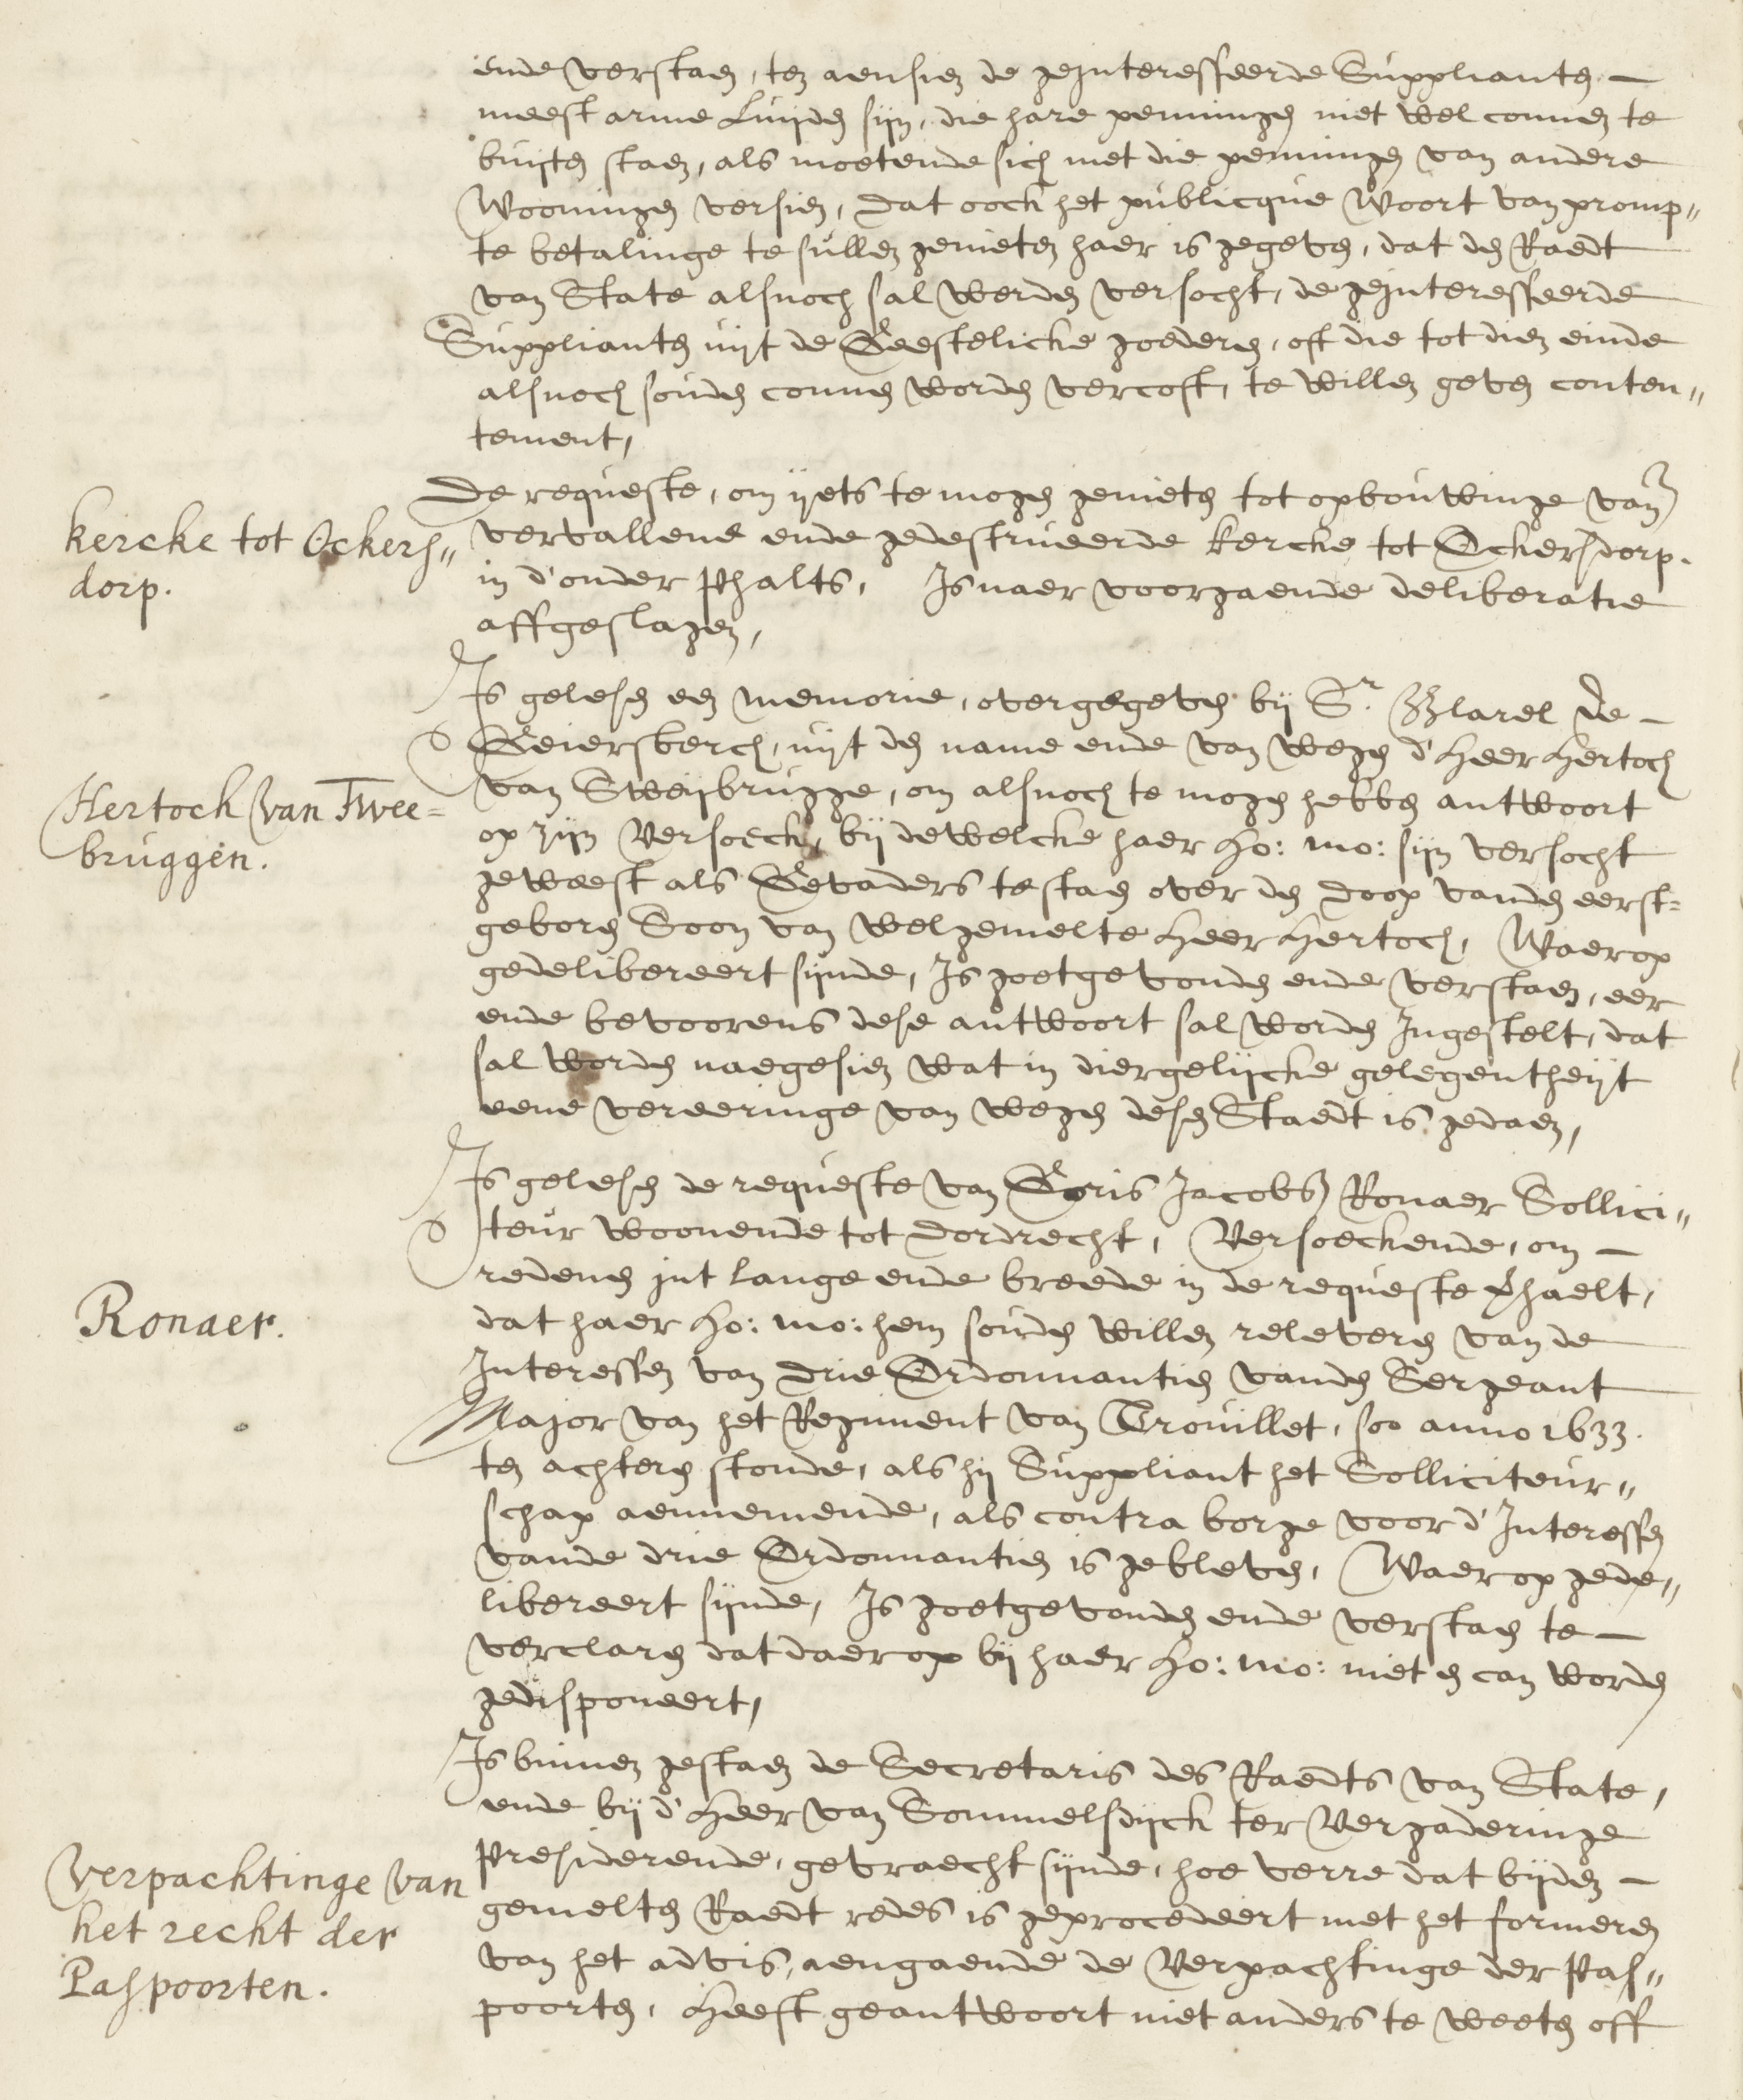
ende verstaen, ten aensien de geinteresseerde Supplianten -
meest arme Luijden sijn, die hare penningen niet wel connen te
buijten staen, als moetende sich met die penningen van andere
Wooningen versien. Dat oock het publicque Woort van promp„
te betalinge te sullen genieten haer is gegeven, dat den Raedt
van State alsnoch sal werden versocht, de geinteresseerde
Supplianten uijt de Geestelicke goederen, off die tot dien einde
alsnoch souden connen worden vercoft, te willen geven conten„
tement.
kercke tot Ockers„
dorp.
De requeste, om ijets te mogen genieten tot opbouwinge van
vervallene ende gedestrueerde Kercke tot Ockersdorp,
in d'onder Phalts, Is naer voorgaende deliberatie
affgeslagen.
Hertoch van Twee=
bruggen.
Is gelesen een memorie, overgegeven bij Sr. Blarel de
Geiersberch, uijt den name ende van wegen d'Heer Hertoch
van Sweijbrugge, om alsnoch te mogen hebben antwoort
op zijn Versoeck, bij dewelcke haer Ho:Mo: sijn versocht
geweest als Gevaders te staen over den doop vanden eerst„
geboren Soon van welgemelte Heer Hertoch. Waerop
gedelibereert sijnde, Is goetgevonden ende verstaen, eer
ende bevoorens dese antwoort sal worden Ingestelt, dat
sal worden naegesien wat in diergelijcke gelegentheijt
eene vereeringe van wegen desen Staedt is gedaen.
Ronaer.
Is gelesen de requeste van Goris Jacobs Ronaer Sollici„
teur woonende tot Dordrecht, Versoeckende, om
redenen int lange ende breede in de requeste vhaelt,
dat haer Ho:Mo: hem souden willen releveren van de
Interessen van Drie Ordonnantien vanden Sergeant
Major van het Regiment van Trouillet, soo anno 1633.
ten achteren stonde, als hij Suppliant het Solliciteur„
schap aennemende, als contra borge voor d'Interessen
vande drie Ordonnantien is gebleven. Waerop gede„
libereert sijnde, Is goetgevonden ende verstaen te —
verclaren dat daerop bij haer Ho:Mo: niet en can worden
gedisponeert.
verpachtinge van
het recht der
Paspoorten.
Is binnen gestaen de Secretaris des Raedts van State,
ende bij d'Heer van Sommelsdijck ter Vergaderinge
presiderende, gevraecht sijnde, hoe verre dat bijden
gemelten Raedt redes is geprocedeert met het formeren
van het advis, aengaende de Verpachtinge der Pas„
poorten, heeft geantwoort niet anders te weeten off
